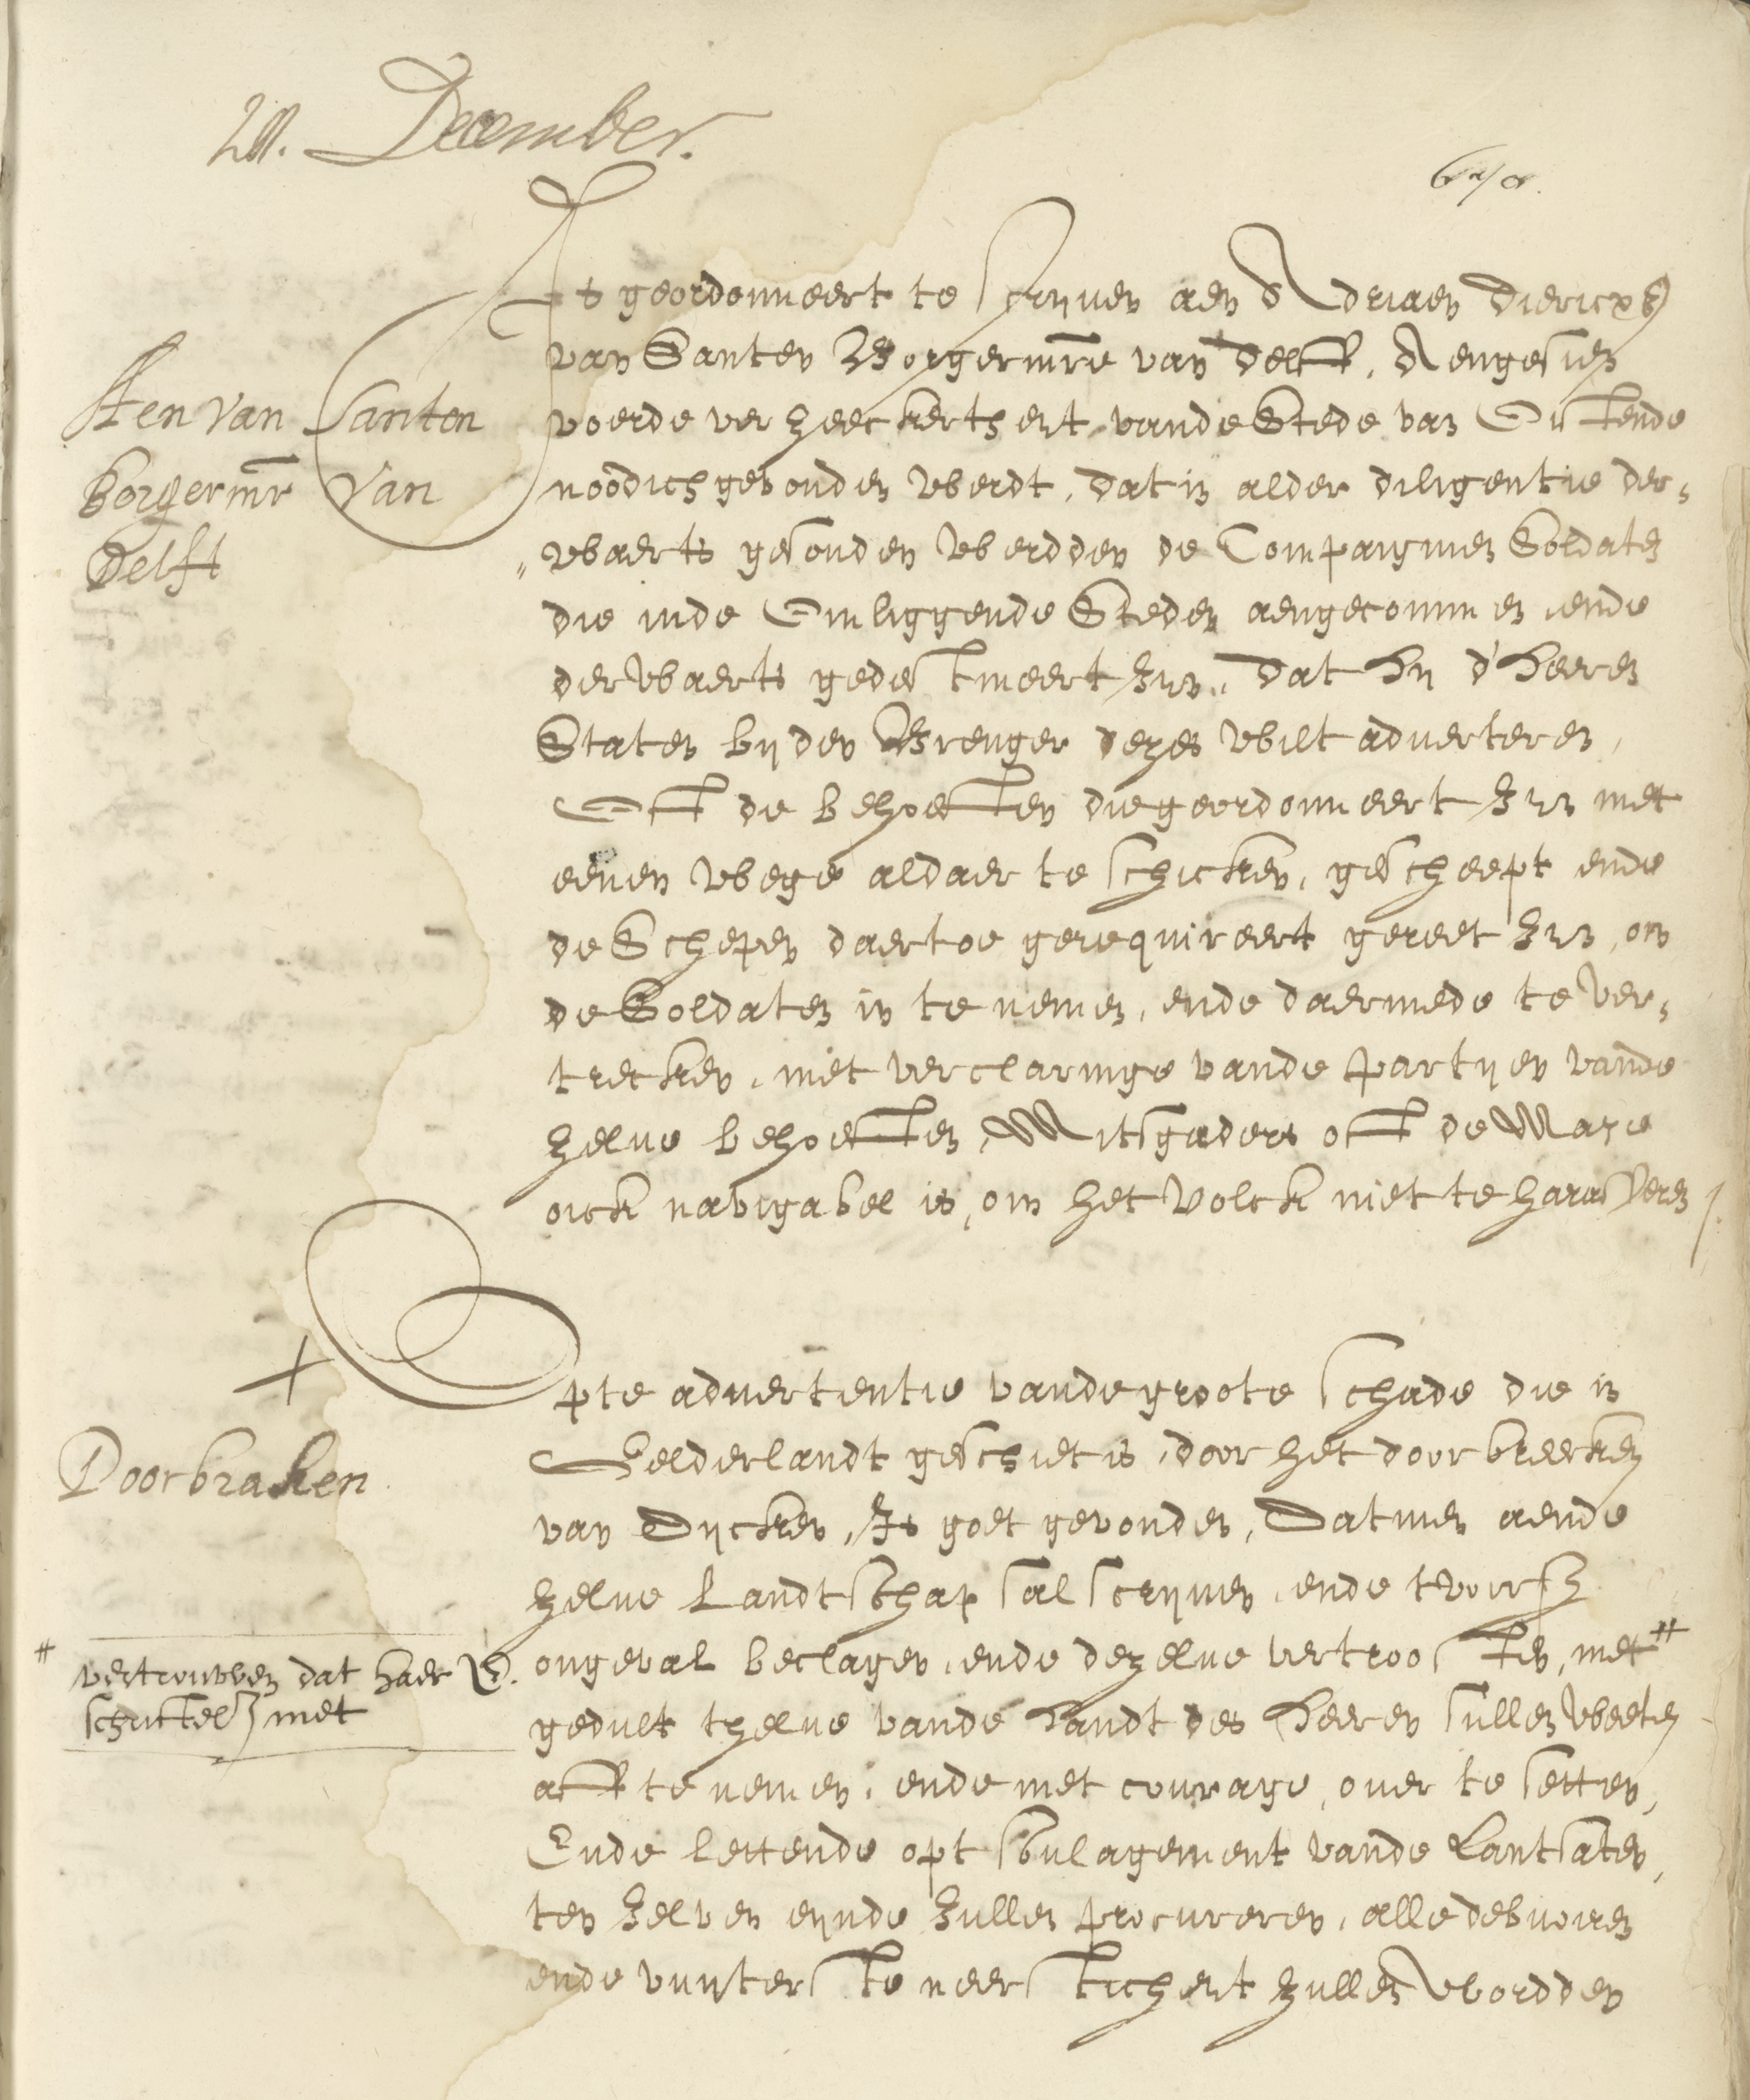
28 December.
678.
Aen van Santen
Borgermr van
Delft
Is geordonneert te scryuen aen Adriaen Diericxz
van Santen Borgermre van Delft, Aengesien
voerde verzeeckertheyt, vande Stede van Oistende
noodich gevonden werdt, dat in alder diligentie der„
„waerts gesonden werdden de Compaignien Soldaten
die inde Omliggende Steden aengecommen ende
derwaerts gedestineert zyn, dat hy d‛heeren
Staten by den Brenger dezes wilt aduerteren,
Off de behoeften die geordonneert zyn met
eenen wege aldaer te schicken, gescheept ende
de Schepen daertoe gerequireert gereet zyn, om
de Soldaten in te nemen, ende daermede te ver„
trecken, met verclaringe vande partyen vande
zelue behoeften, Mitsgaders off de Mare
oick navigabel is, om het volck niet te harasseren.
Doorbraken.
#vertrouwen dat haer E.
schriftel met
Opte advertentie vande groote Schade die in
Gelderlandt geschiet is, door het doorbreecken
van Dycken, Is goet gevonden, Datmen aende
zelve Landtschap sal scryuen, ende tvoirs
ongeual beclagen, ende dezelue vertroosten met#
gedult tzelue vande handt des heeren sullen weeten
aff te nemen, ende met courage ouer te setten,
Ende lettende opt soulagement vande Lantsaten,
ten zelven eynde zullen procureren, alle debuoiren
ende vuyterste neersticheyt zullen wordden
